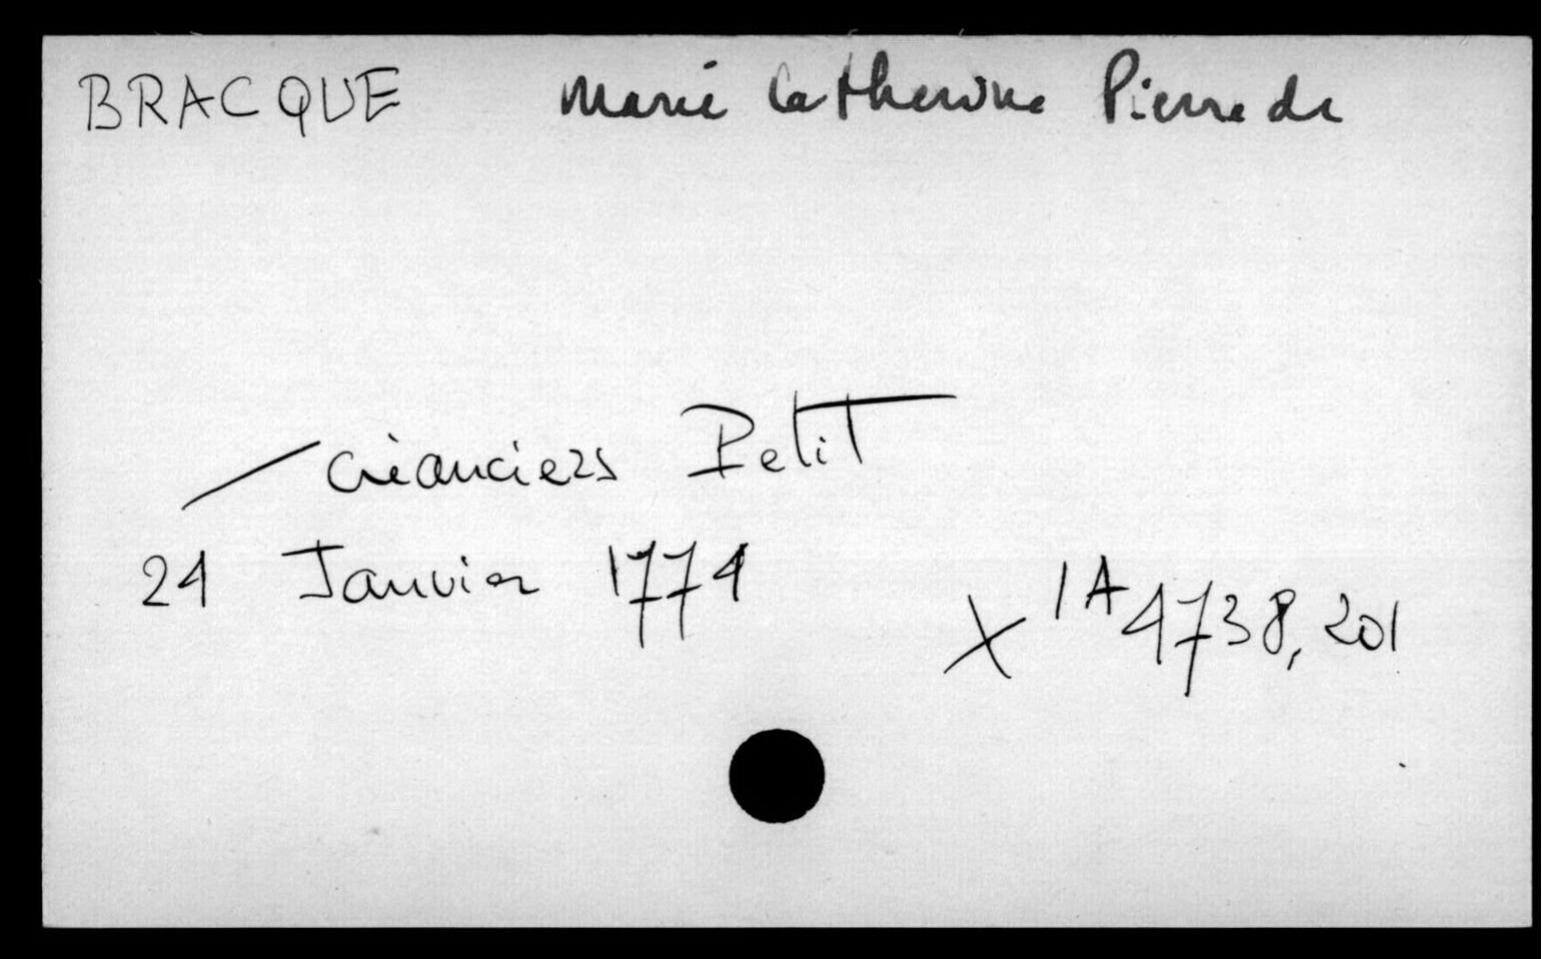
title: BRACQUE Marie Catherine Pierre de
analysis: Contre créanciers Petit
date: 24 janvier 1774
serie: X1A
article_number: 4738
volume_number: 201
